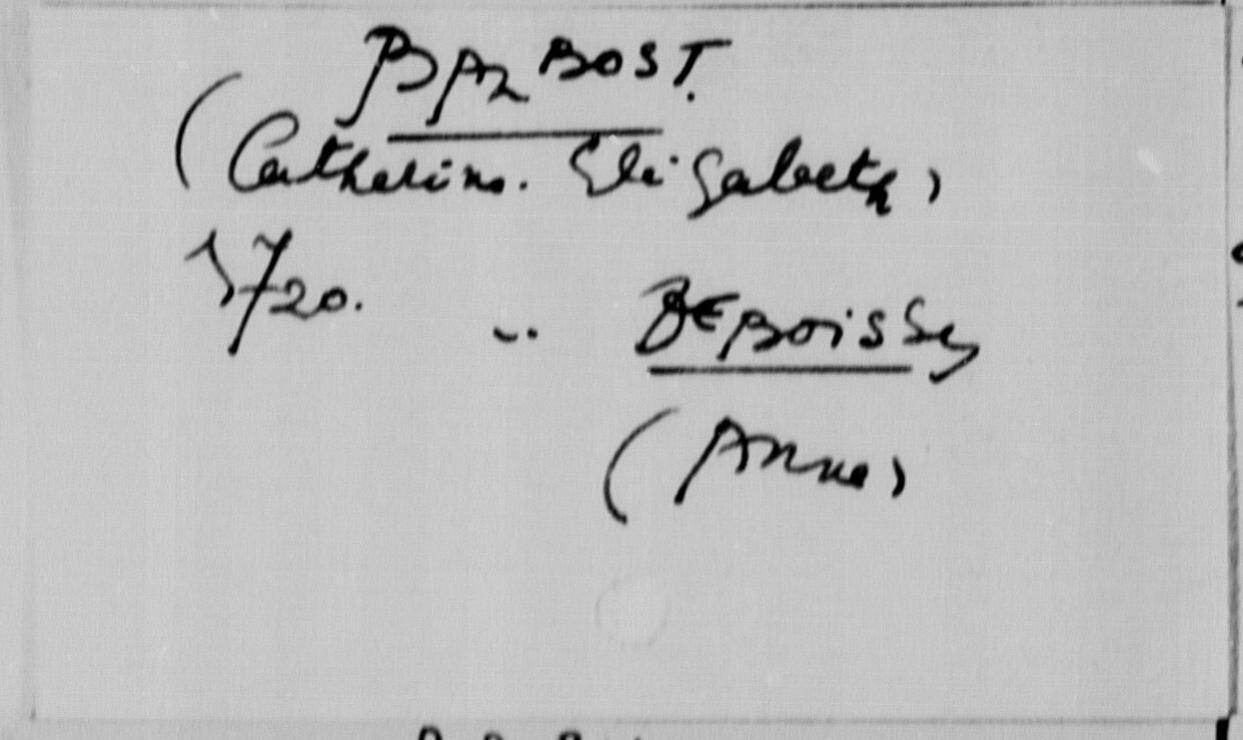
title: BALBOST (Catherine-Elisabeth)
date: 1720
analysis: Voir DEBOISSY (Anne)
